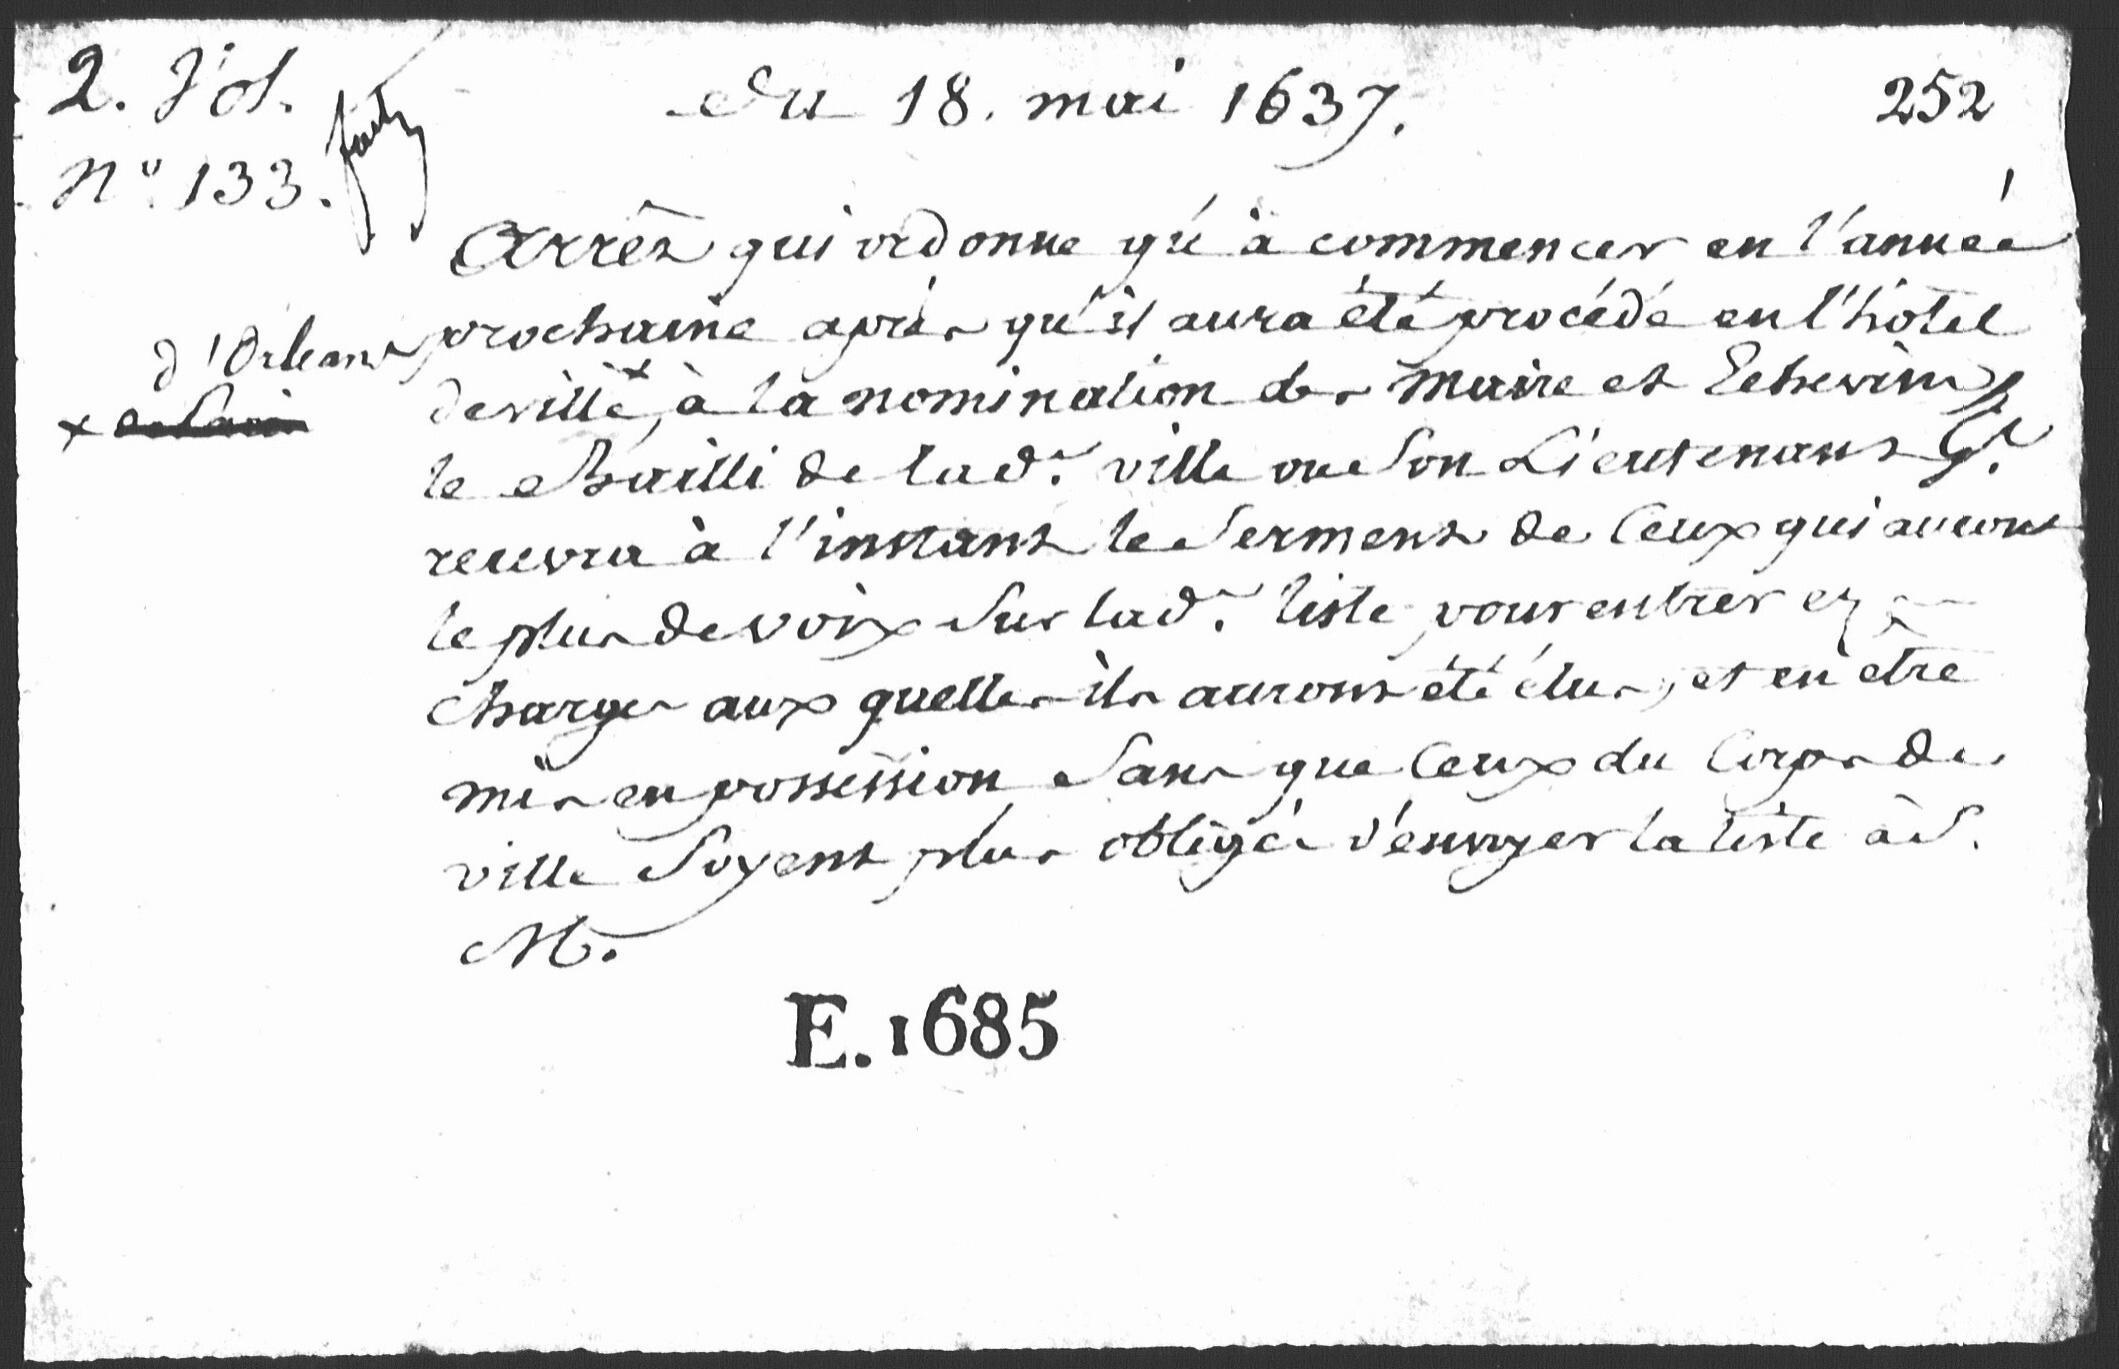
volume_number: n°133
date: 18 mai 1637
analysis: faitz 252
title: Arrêt qui ordonne qu'à commencer en l'année prochaine après qu'il aura été procédé en l'hôtel de ville d'Orleans, à la nomination des Maire et Echevins, le bailli de lad.e ville ou son Lieutenant G.l recevra à l'instant le serment de ceux qui auront le plus de voix sur lad.e liste pour entrer ez charges auxquelles ils auront été élus, et en être mis en possession sans que ceux du corps de ville soyent plus obligés d'envoyer le liste à S. M.
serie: E
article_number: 1685
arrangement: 2. vol.
